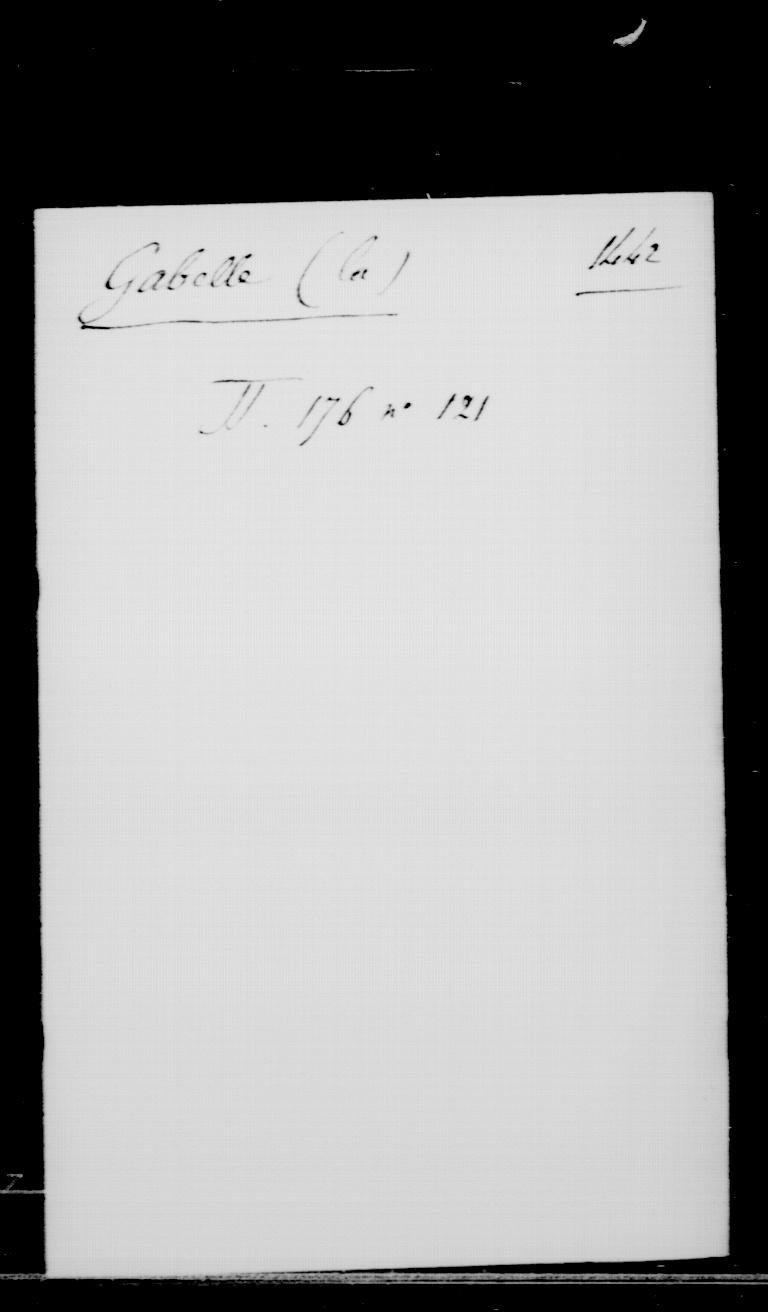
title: Gabelle (la)
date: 1442
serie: JJ
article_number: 176
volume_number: n° 121
